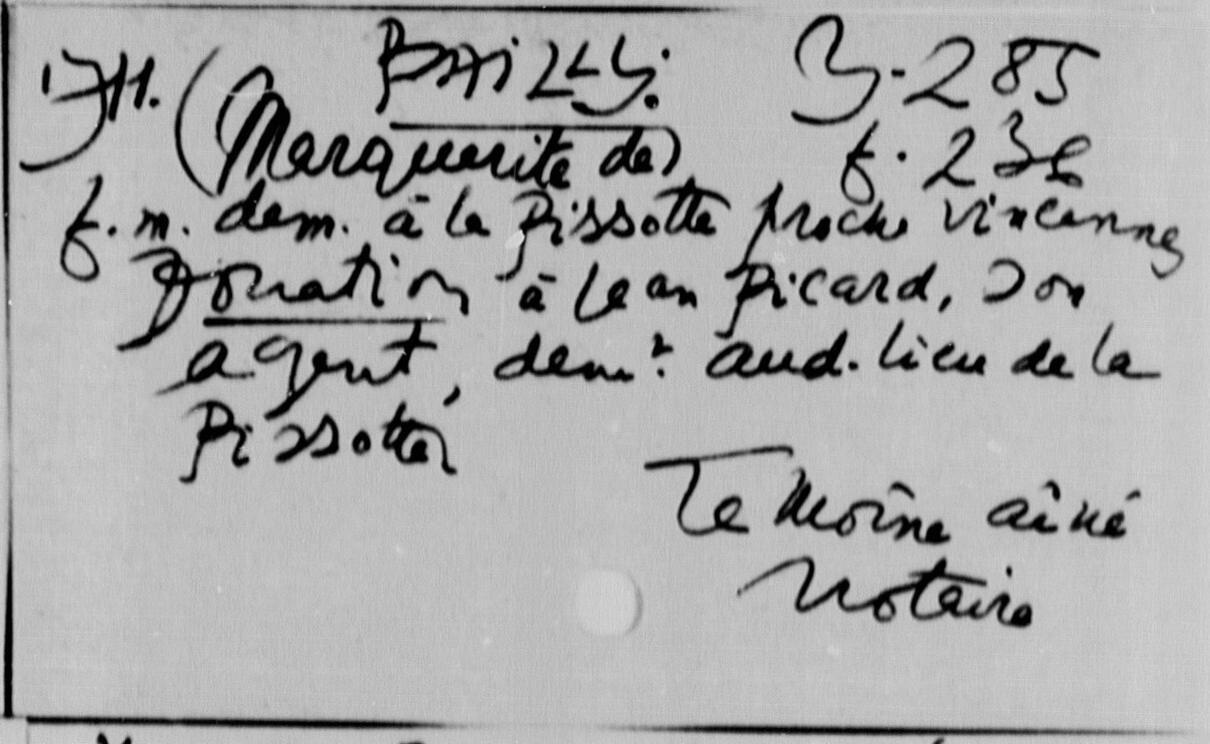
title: BAILLY (Marguerite de)
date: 1711
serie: Y
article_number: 285
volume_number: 236
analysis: Fille majeure, demeurant à la Pissotte proche Vincennes Donation à Jean Picard, son Agent, demeurant audit lieu de la Pissotte Le Moine aîné, notaire
